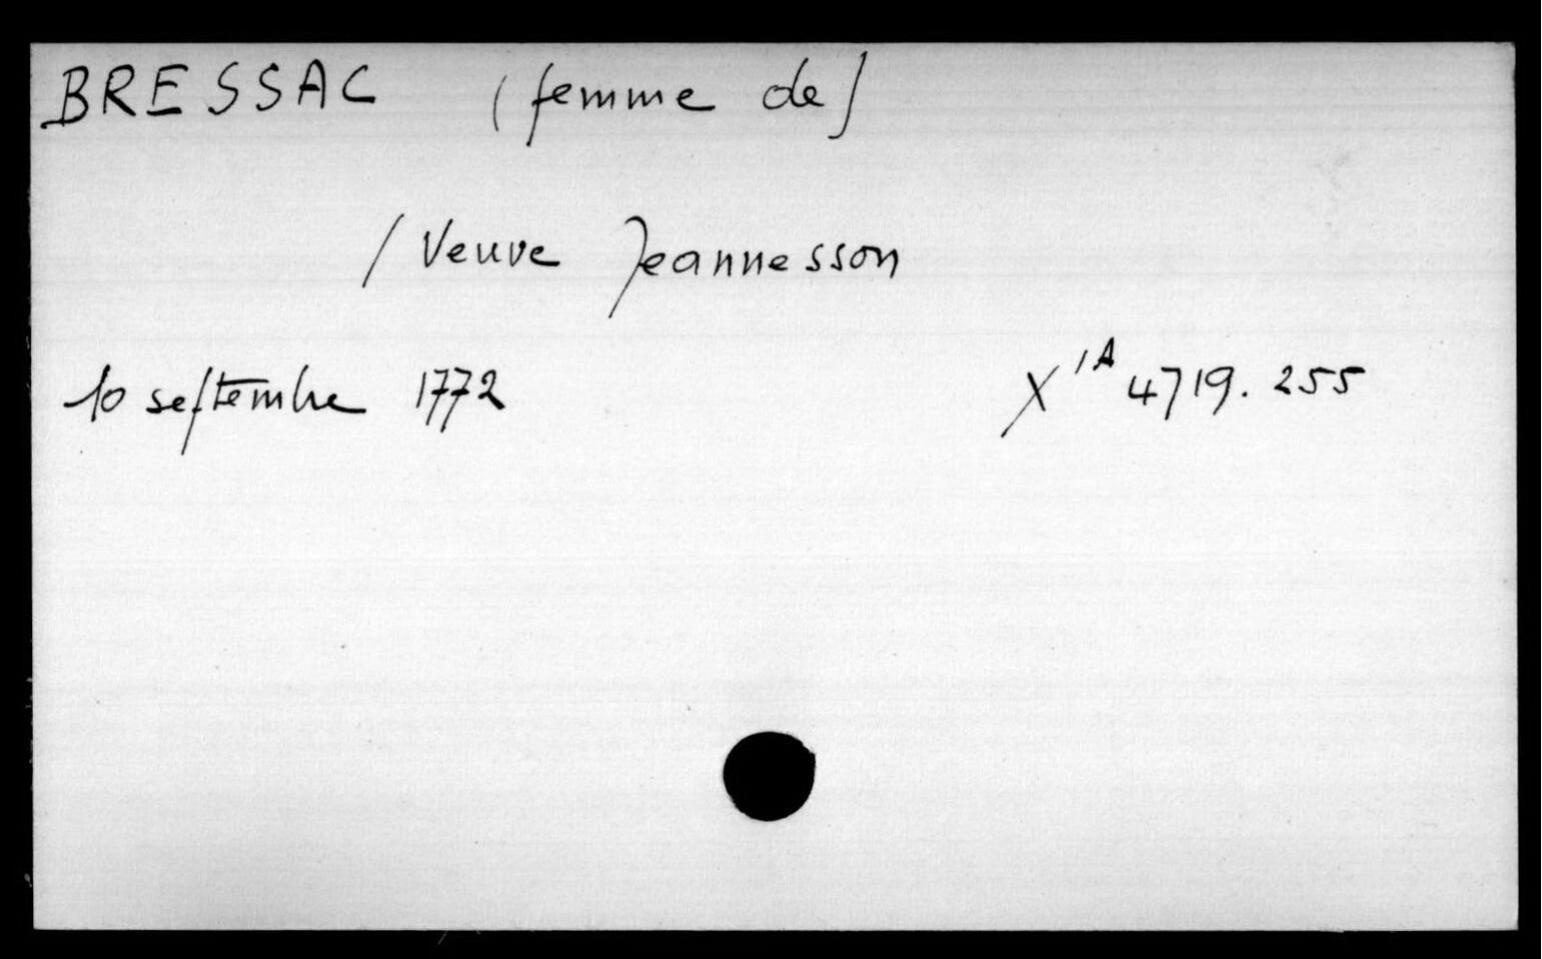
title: BRESSAC (femme de)
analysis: Contre Veuve Jeannesson
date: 10 septembre 1772
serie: X1A
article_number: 4719
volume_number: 255
